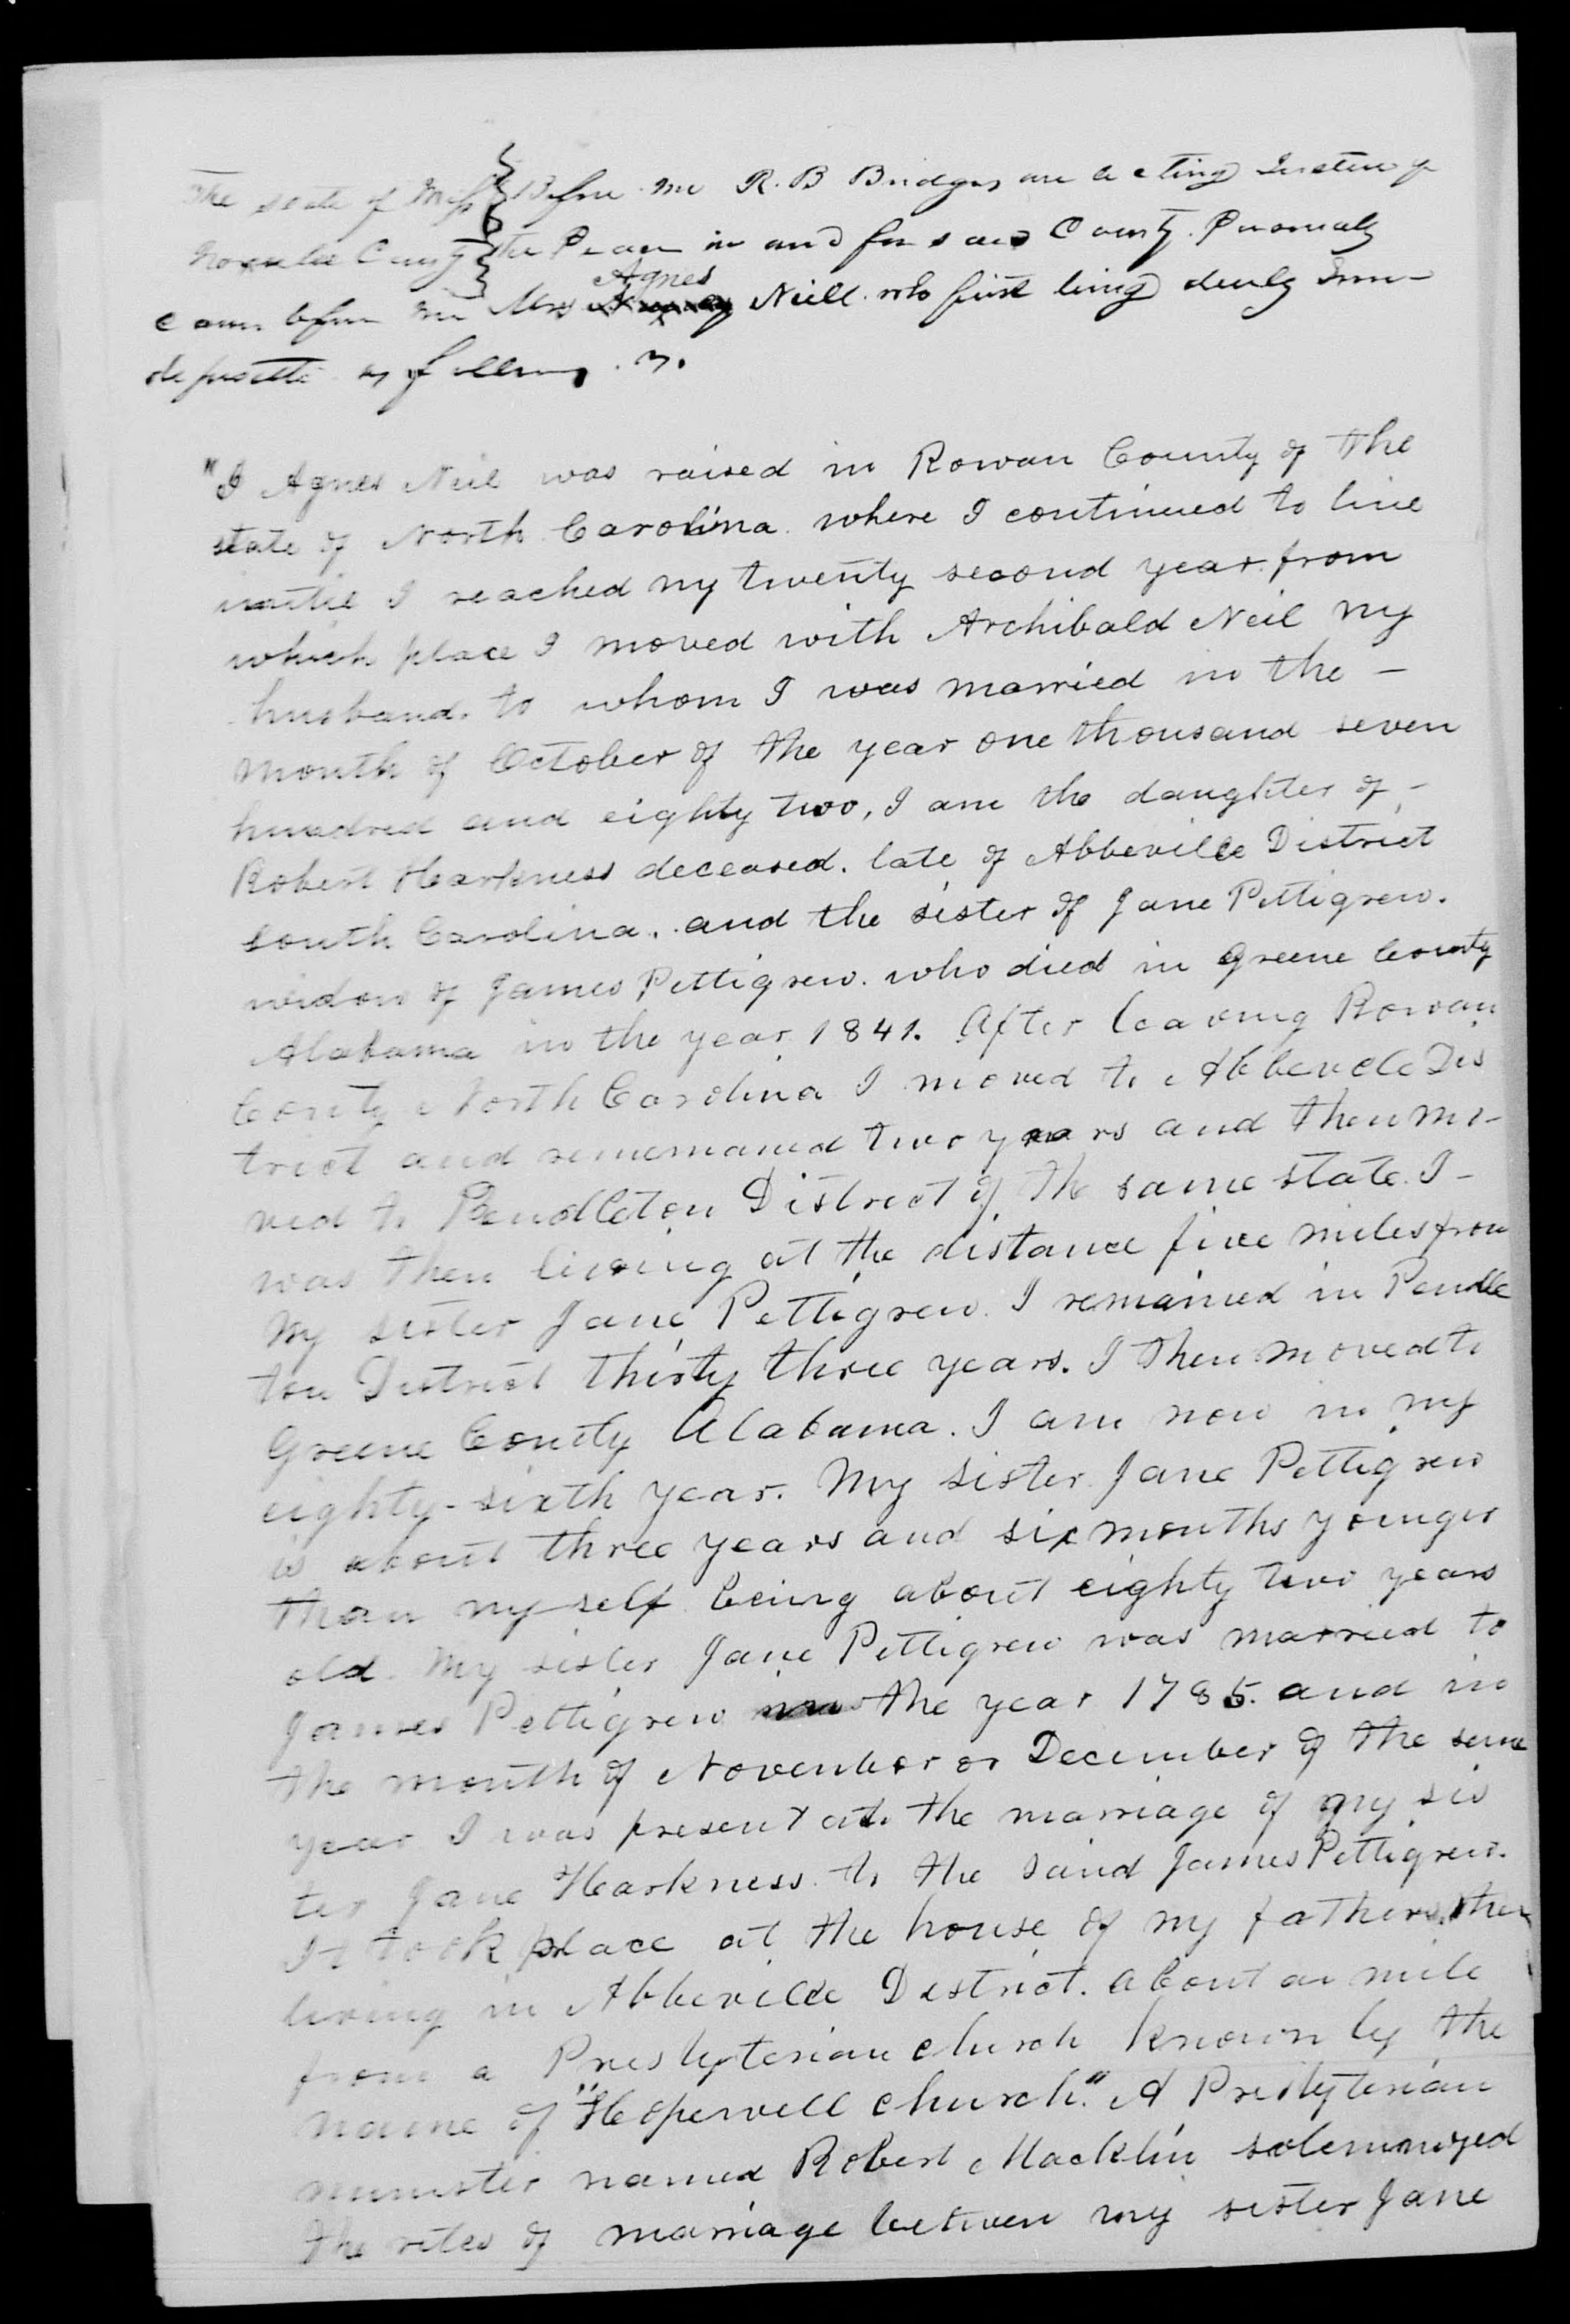The state of  Miss.  Before me R. B. Bridges an acting Justice of
 [illegible] County    the Peace in and for said County personally
comes before me  Mrs Agnes Nell who first being duly sworn
deposeth as follows
"I Agnes Neil was raised in Rowan County of the
State of North Carolina where I continued to live
until I reached my twenty second year from
which place I moved with Archibald Neil my
husband to whom I was married in the
month of October of the year one thousand seven
hundred and eighty two, I am the daughter of
Robert Harkness deceased, late of Abbeville District
South Carolina, and the sister of Jane Pettigrew.
widow of James Pettigrew who died in Greene County
Alabama in the year 1841. After leaving Rowan
County North Carolina I moved to Abbeville
District and remarried two years and then
moved to Pendleton District of the same state I
was then living at the distance five miles from
my sister Jane Pettigrew. I remained in Pendle
Patrick thirty three years. I then moved to
Greene County Alabama. I am now in my
eighty sixth year. My sister Jane Pettigrew dis
about three years and six months younger
than myself being about eighty two years
old my sister Jane Pettigrew was married to
James Pettigren the year 1785 and no
the month of November or December of the same
year I was present at the marriage of my sister
Jane Harkness to the said James Pettigrew. 
It took place at the house of my father the
living in Abbeville District about a mile
from a Presbyterian church known by the
name of "Hopewell Church" & A Presbyterian
minister named Robert Macklin solemnized
the rites of marriage between my sister Jane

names: Archibald Neil; Agnes Niell; R B Bridges; James Pettigrew; Robert Harkness; Jane Pettigrew; Robert Macklin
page: 73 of 92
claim: widow's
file: W. 5522, for James Pettigrew, South Carolina